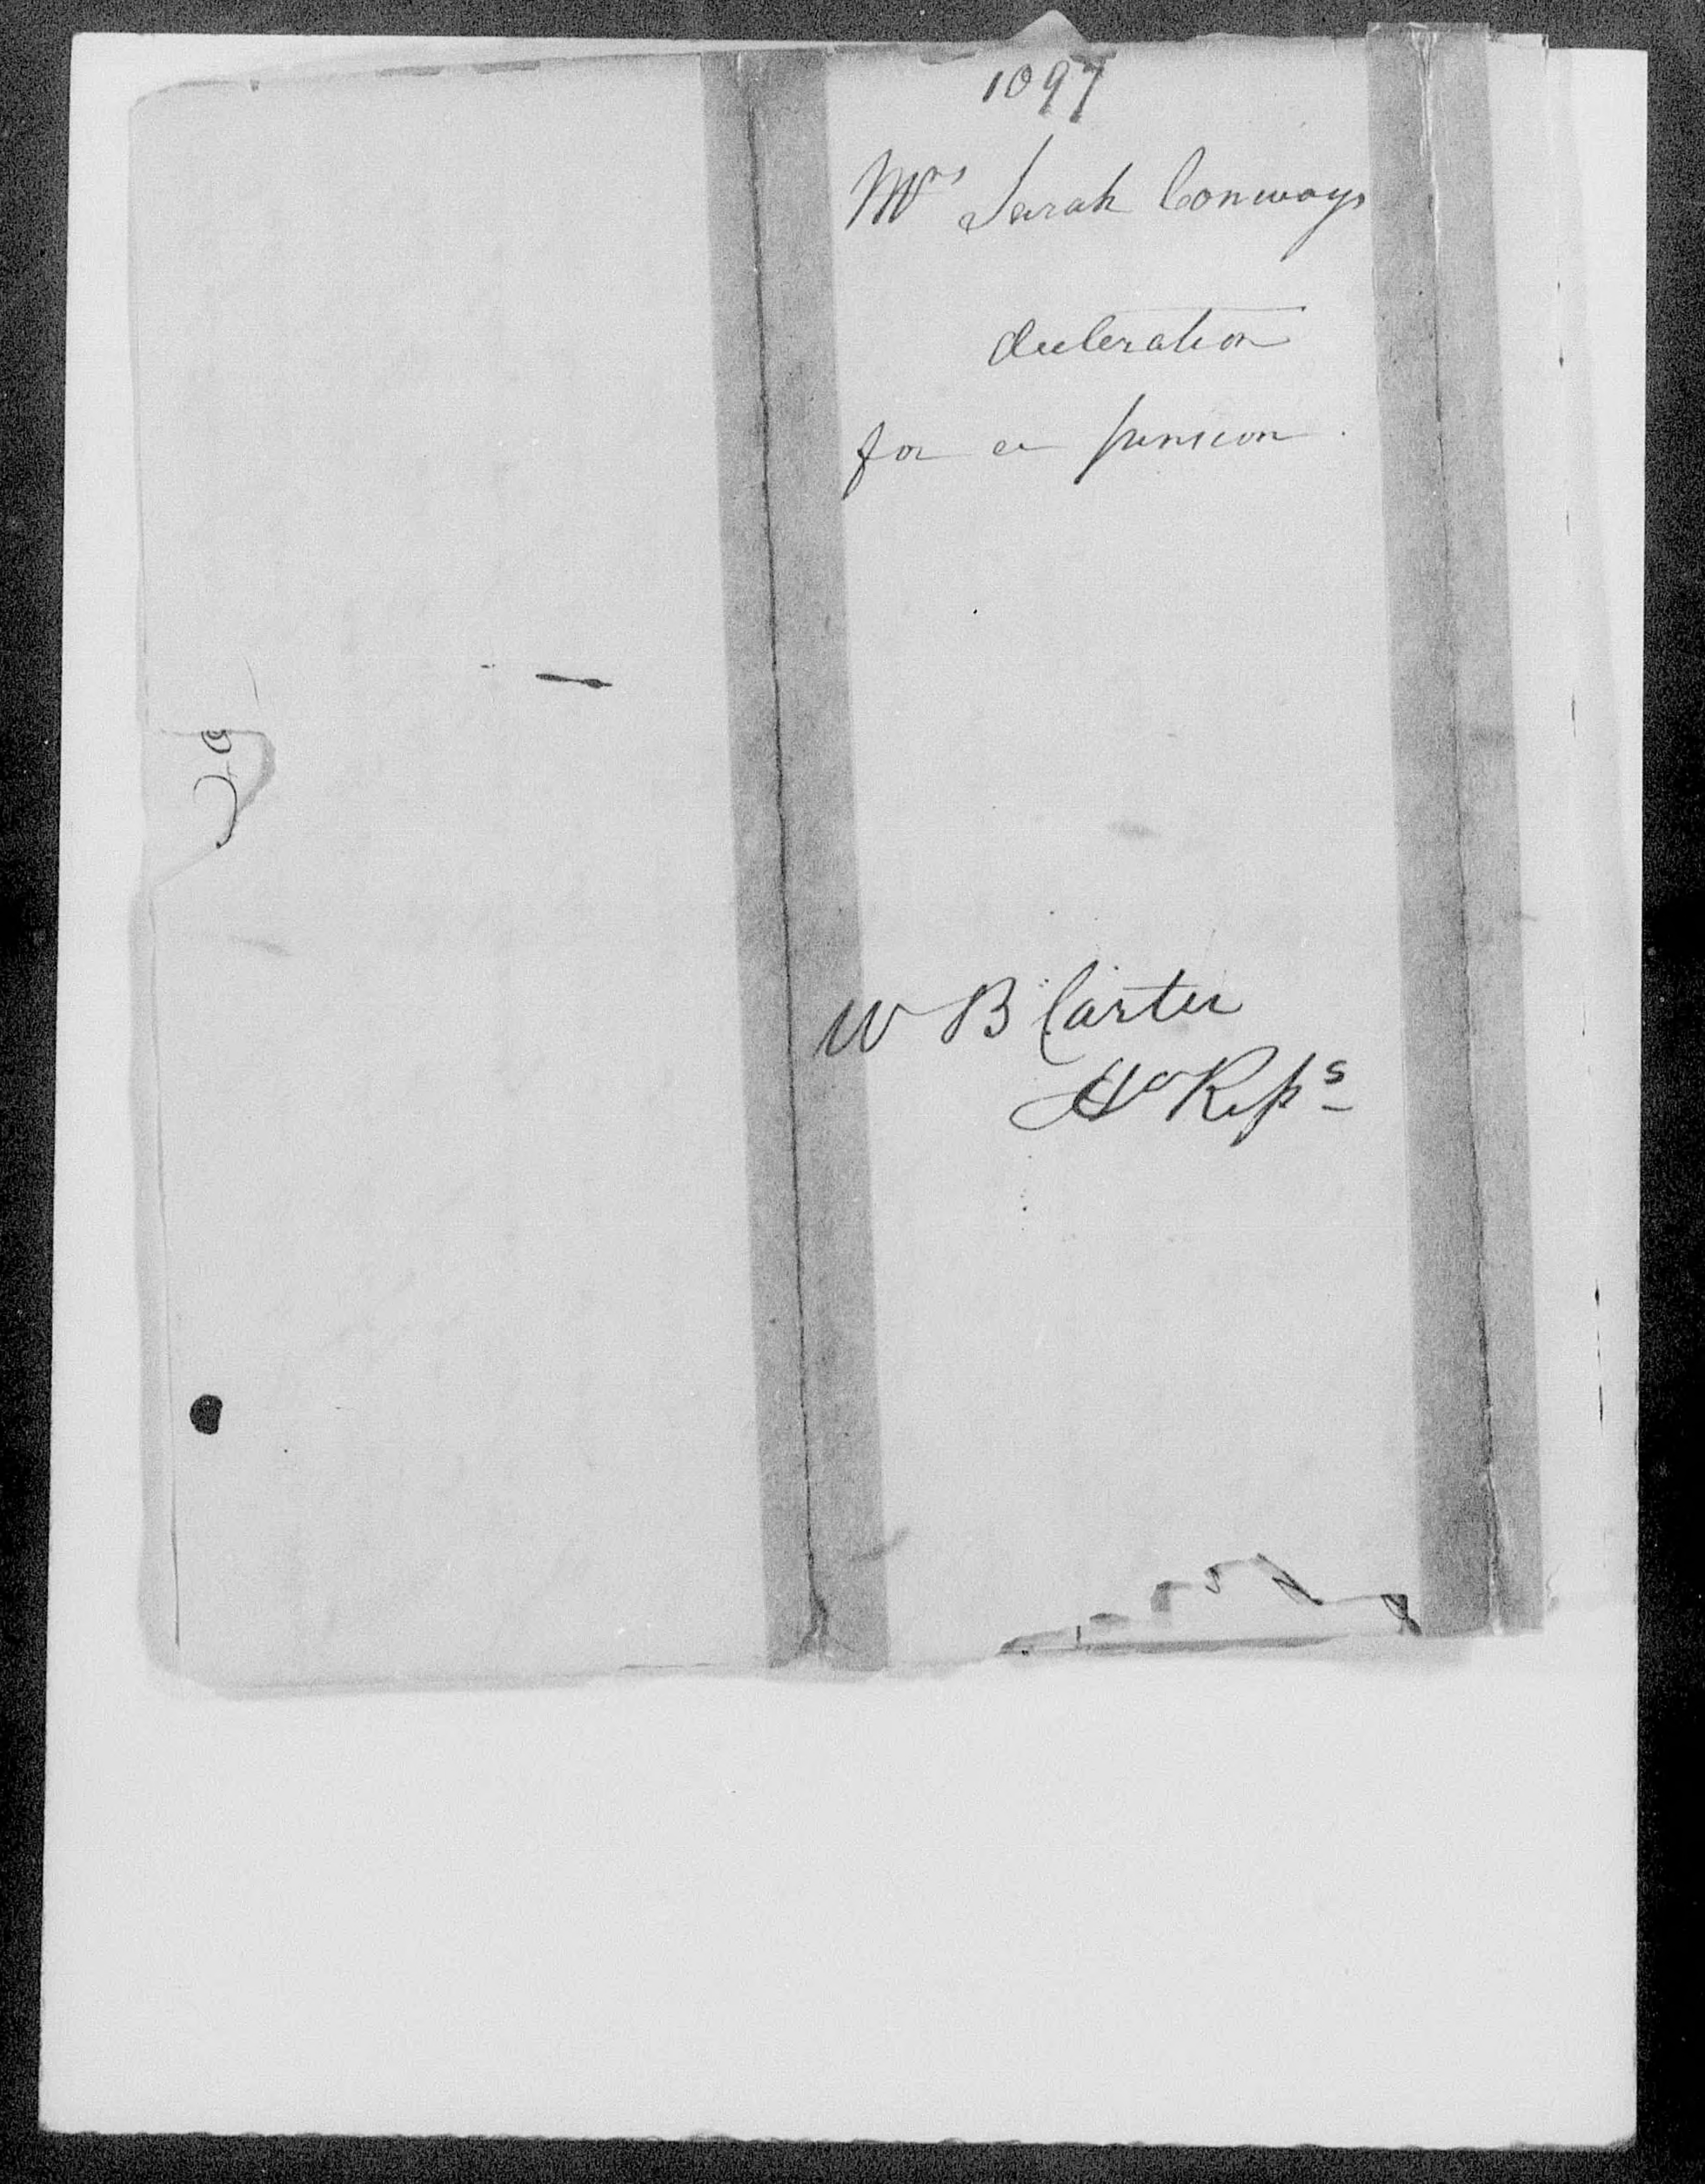1047


Wid. Sarah Conway

declaration 
for a pension



W.B. Carter
House of Representatives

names: Sarah Conway, W B Carter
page: 3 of 13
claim: widow's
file: W. 6,719, Henry Conway, Va.